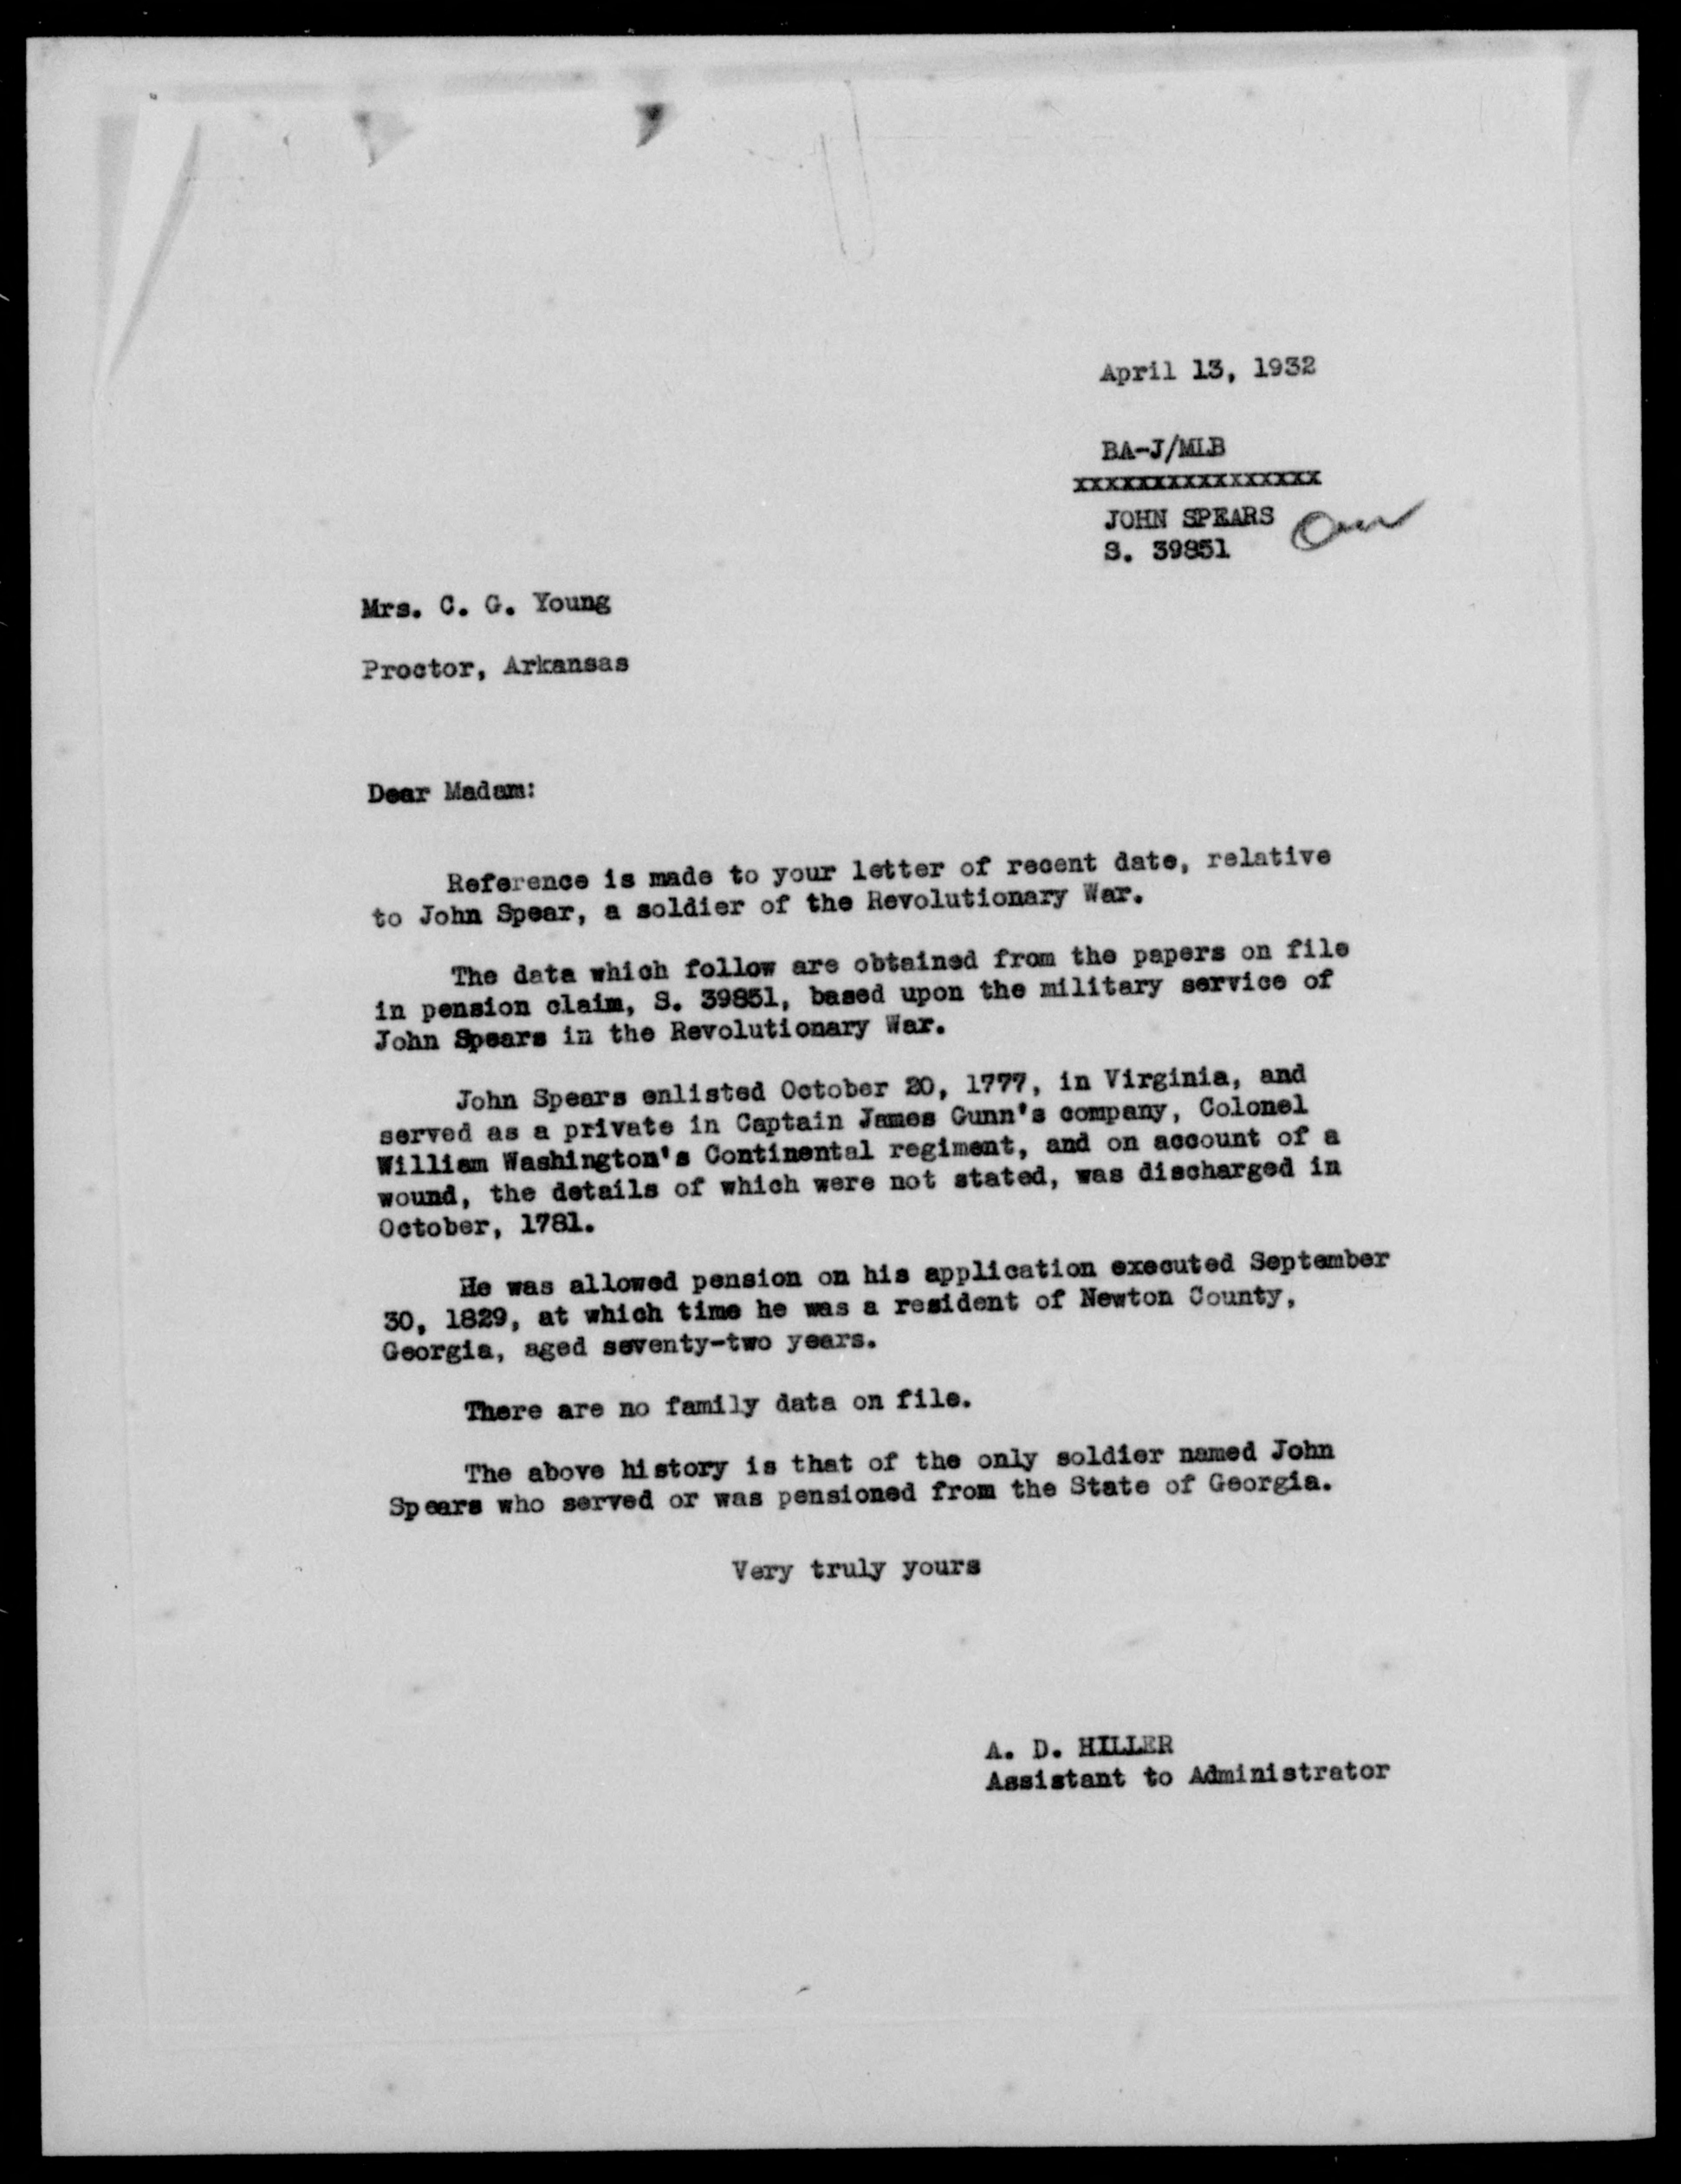April 13, 1932
BA-J/MLB
xxxxxxxxxxxxxxxxx
JOHN SPEARS
S. 39851

Mrs. C. G. Young
Proctor, Arkansas

Dear Madam:
Reference is made to your letter of recent date, relative to John Spear, a soldier of the Revolutionary War.

The data which follow are obtained from the papers on file in pension claim, S. 39851, based upon the military service of John Spears in the Revolutionary War. 

John Spears enlisted October 20, 1777, in Virginia, and served a sprivate in Captain Jame Gunn's company, Colonel William Washington's Continental regiment, and on account of a wound, the details of which were not stated, was discharged in October, 1781.

He was allowed pension on his application executed September 30, 1829, at which time he was a resident of Newton County, Georgia, aged seventy-two years. 

There are no family data on file.

The above history is that of the only soldier named John Spears who served or was pensioned from the State of Georgia.

Very truly yours

A.D. Hiller
Assistant to Administrator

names: John Spear; John Spears; C G Young; John Spears; John Spears; John Spears; A D Hiller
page: 10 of 12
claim: survivor's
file: S. 39851, for John Spears, Virginia